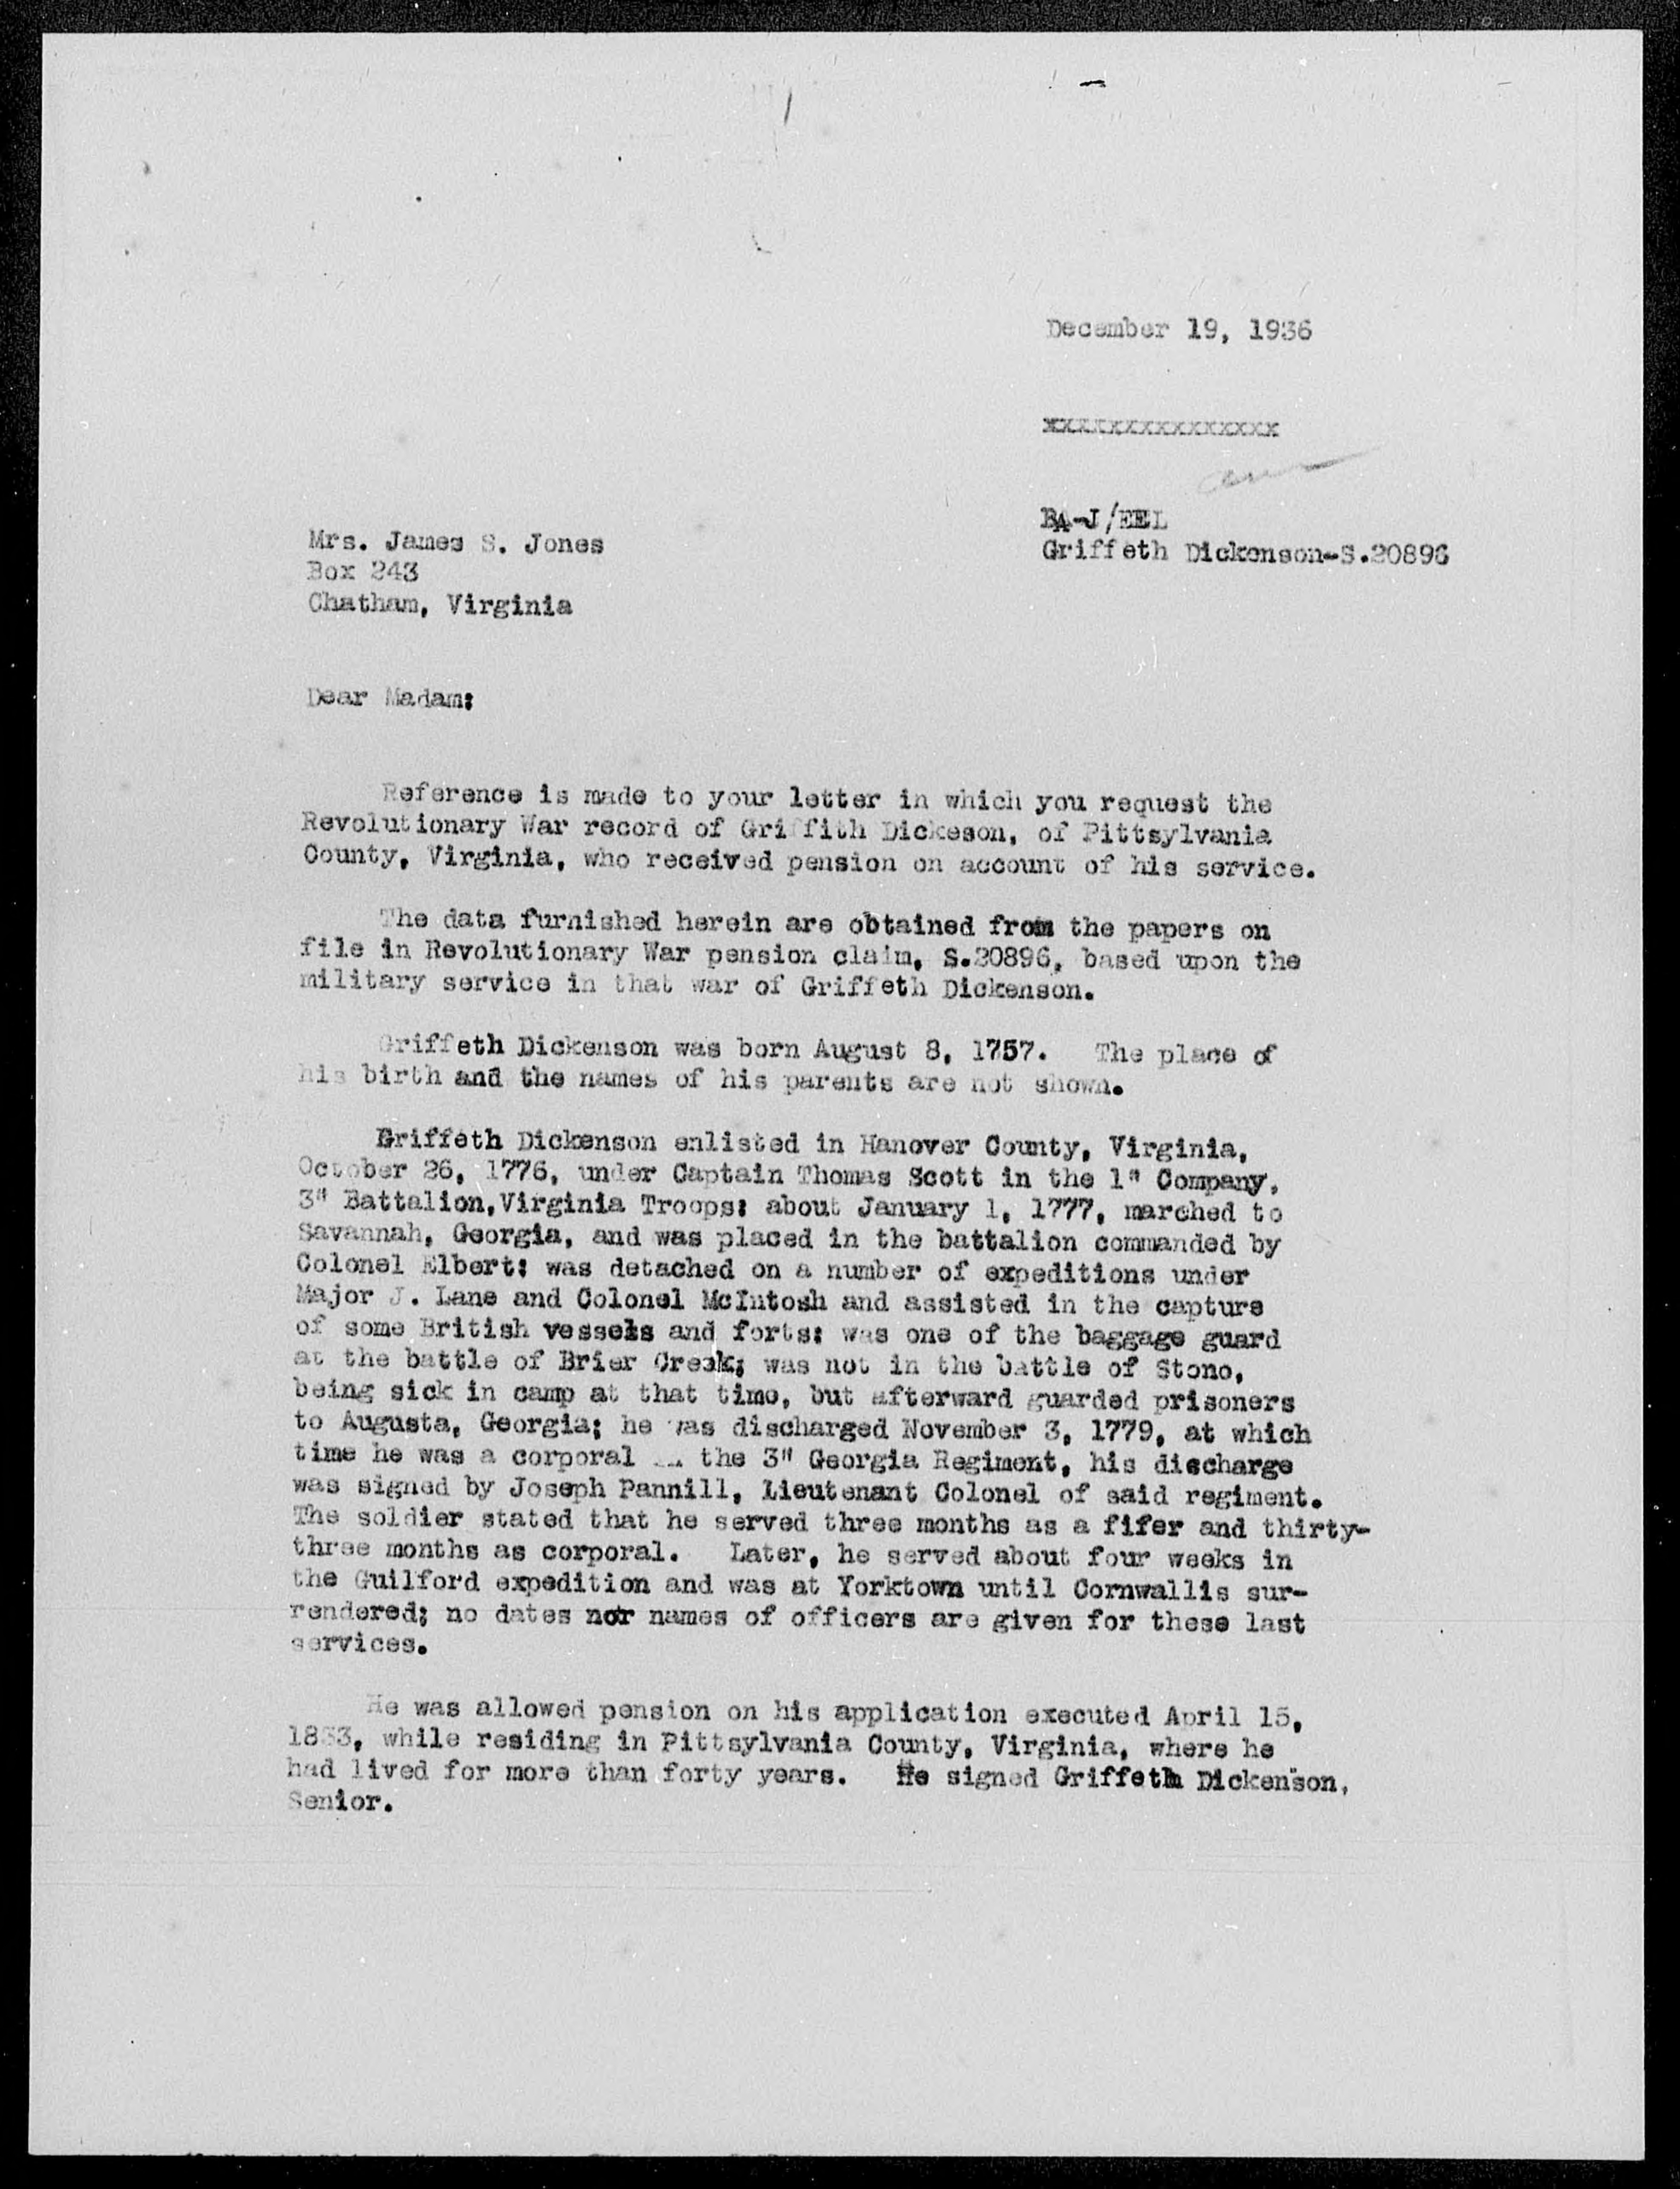December 19, 1936

xxxxxxxxxxxx

BA-J/EEL
Griffeth Dickenson - S. 20896

Mrs. James S. Jones
Box 243
Chatham, Virginia

Dear Madam:

Reference is made to your letter in which you request the Revolutionary War record of Griffith [Griffeth] Dickeson [Dickenson], of Pittsylvania County, Virginia, who receieved pension on account of his service.

The data furnished herein are obtained from the papers on file in Revolutionary War pension claim, S.30896, based upon the military service in that war of Griffeth Dickenson.

Griffeth Dickenson was born August 8, 1757.  The place of his birth and the names of his parents are not shown.

 Griffeth Dickenson enlisted in Hanover County, Virgina, October 26, 1776, under Captain Thomas Scott in the 1" Company 3" Battalion, Virginia Troops: about January 1, 1777, marched to Savannah, Georgia, and was placed in the battalion commaned by Colonel Elbert: was detached on a number of expeditions under Major J. Lane and Colonel McIntosh and assisted in the capture of some British vessels and forts: was one of the baggage guard at the battle of Brier Creek: was not in the battle of Stone, being sick in camp at that time, but afterward guarded prisoners to Augusta, Georgia: he was discharged November 3, 1779, at which time was a corporal in the 3" Georgia Regiment, his discharge was signed by Joseph Pannill, Lieutentant Colonel of said regiment.  The soldier stated that he serve three months as a fifer and thirty-three months as corporal.  Later, he served about four weeks in the Guilford expedition and was at Yorktown until Cornwallis surrendered: no dates nor names of officers are given for these last services.

He was allowed pension on his application executed April 15, 1833, while residing in Pittsylvania County, VIrginia where he had lived for more than forty years.  He signed Griffeth Dickenson Senior.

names: Griffeth Dickenson, Cornwallis, Griffith Dickeson, Griffeth Dickenson, Griffeth Dickenson, Joseph Pannill, Thomas Scott, James S Jones, J Lane, Mc Intosh, Griffeth Dickenson, Griffeth Dickenson, Elbert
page: 11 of 26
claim: survivor's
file: S. 20896, Griffeth Dickenson, Ga. Va.